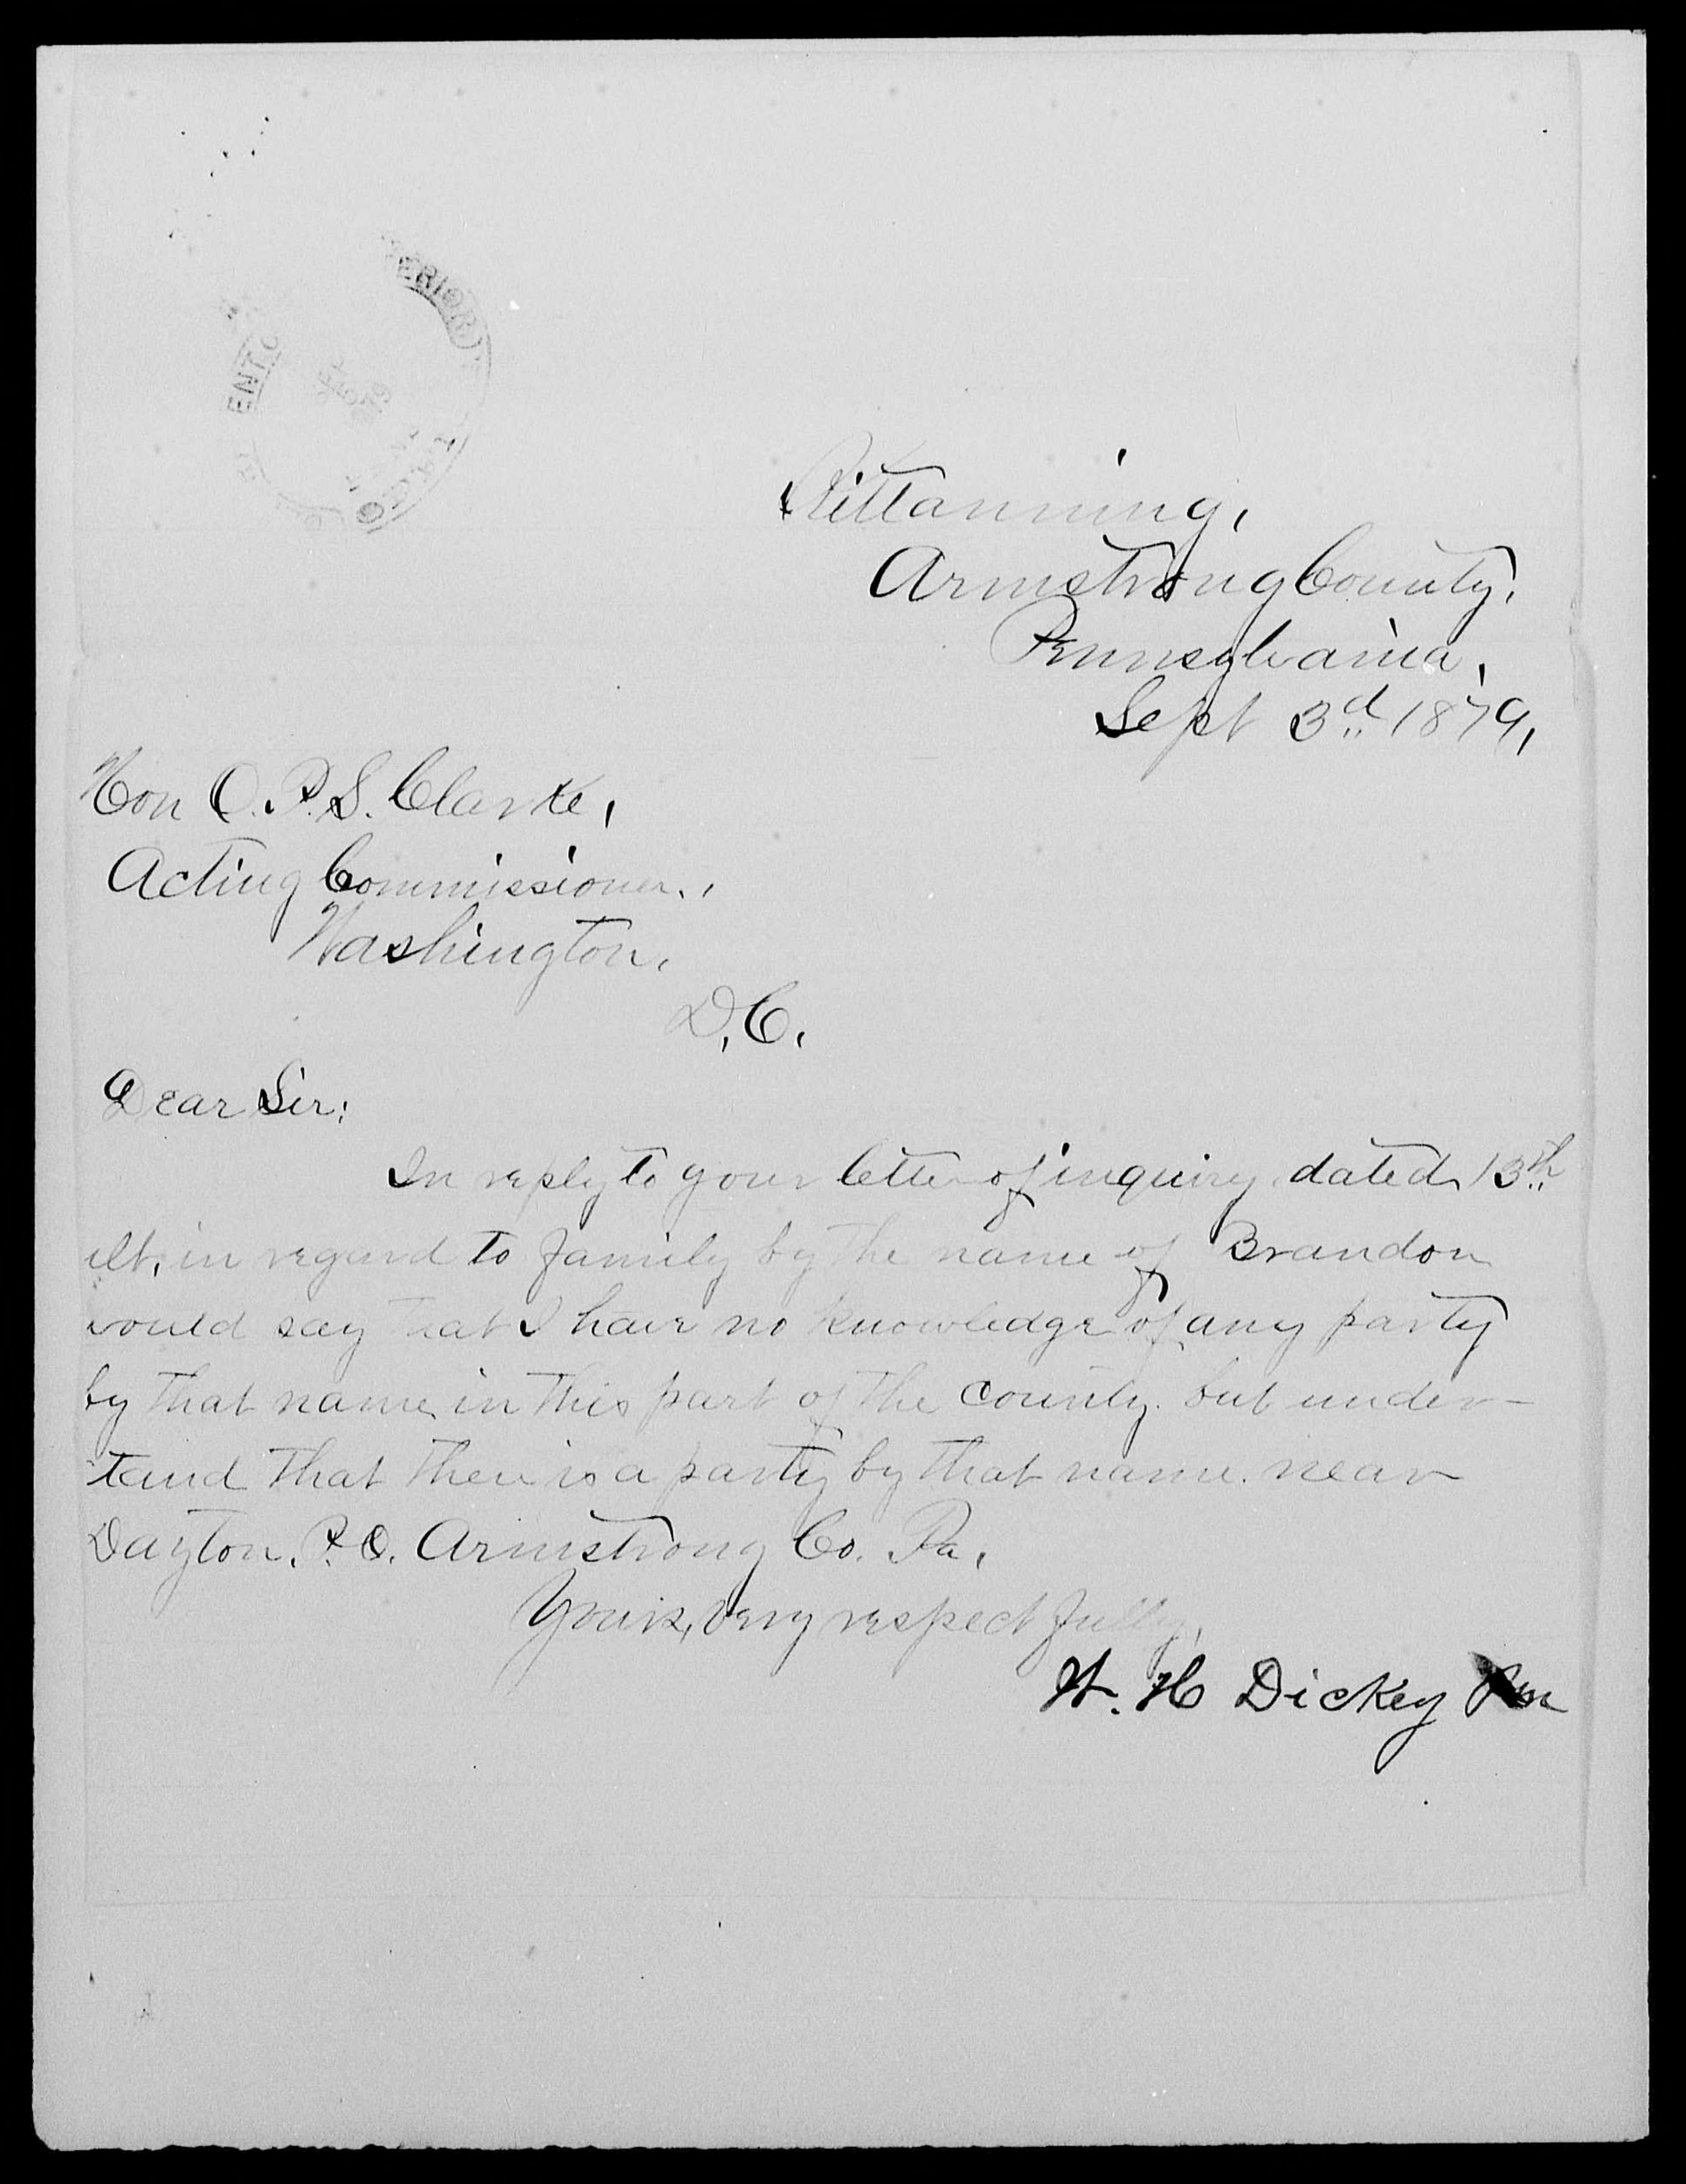[stamp, upper left]
DEPARTMENT OF THE INTERIOR.
SEP 5 1879
PENSIONS OFFICE.

Kittanning,
Armstrong County,
Pennsylvania,
Sept 3d 1879,

Hon O.P.S. Clarke,
Acting Commissioner,
Washington,
D.C.

Dear Sir:
In reply to your letter of inquiry dated 13th elt(?), in regard to family by the name of Brandon would say that I have no knowledge of any party by that name in this part of the county but understand that there is a party by that name near Dayton, P.O. Armstrong Co. Pa,
Yours, very respectfully,
W.H. Dickey Pm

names: W H Dickey, O P S Clarke, Brandon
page: 37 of 83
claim: widow's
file: W. 5946, John Brandon, Penn